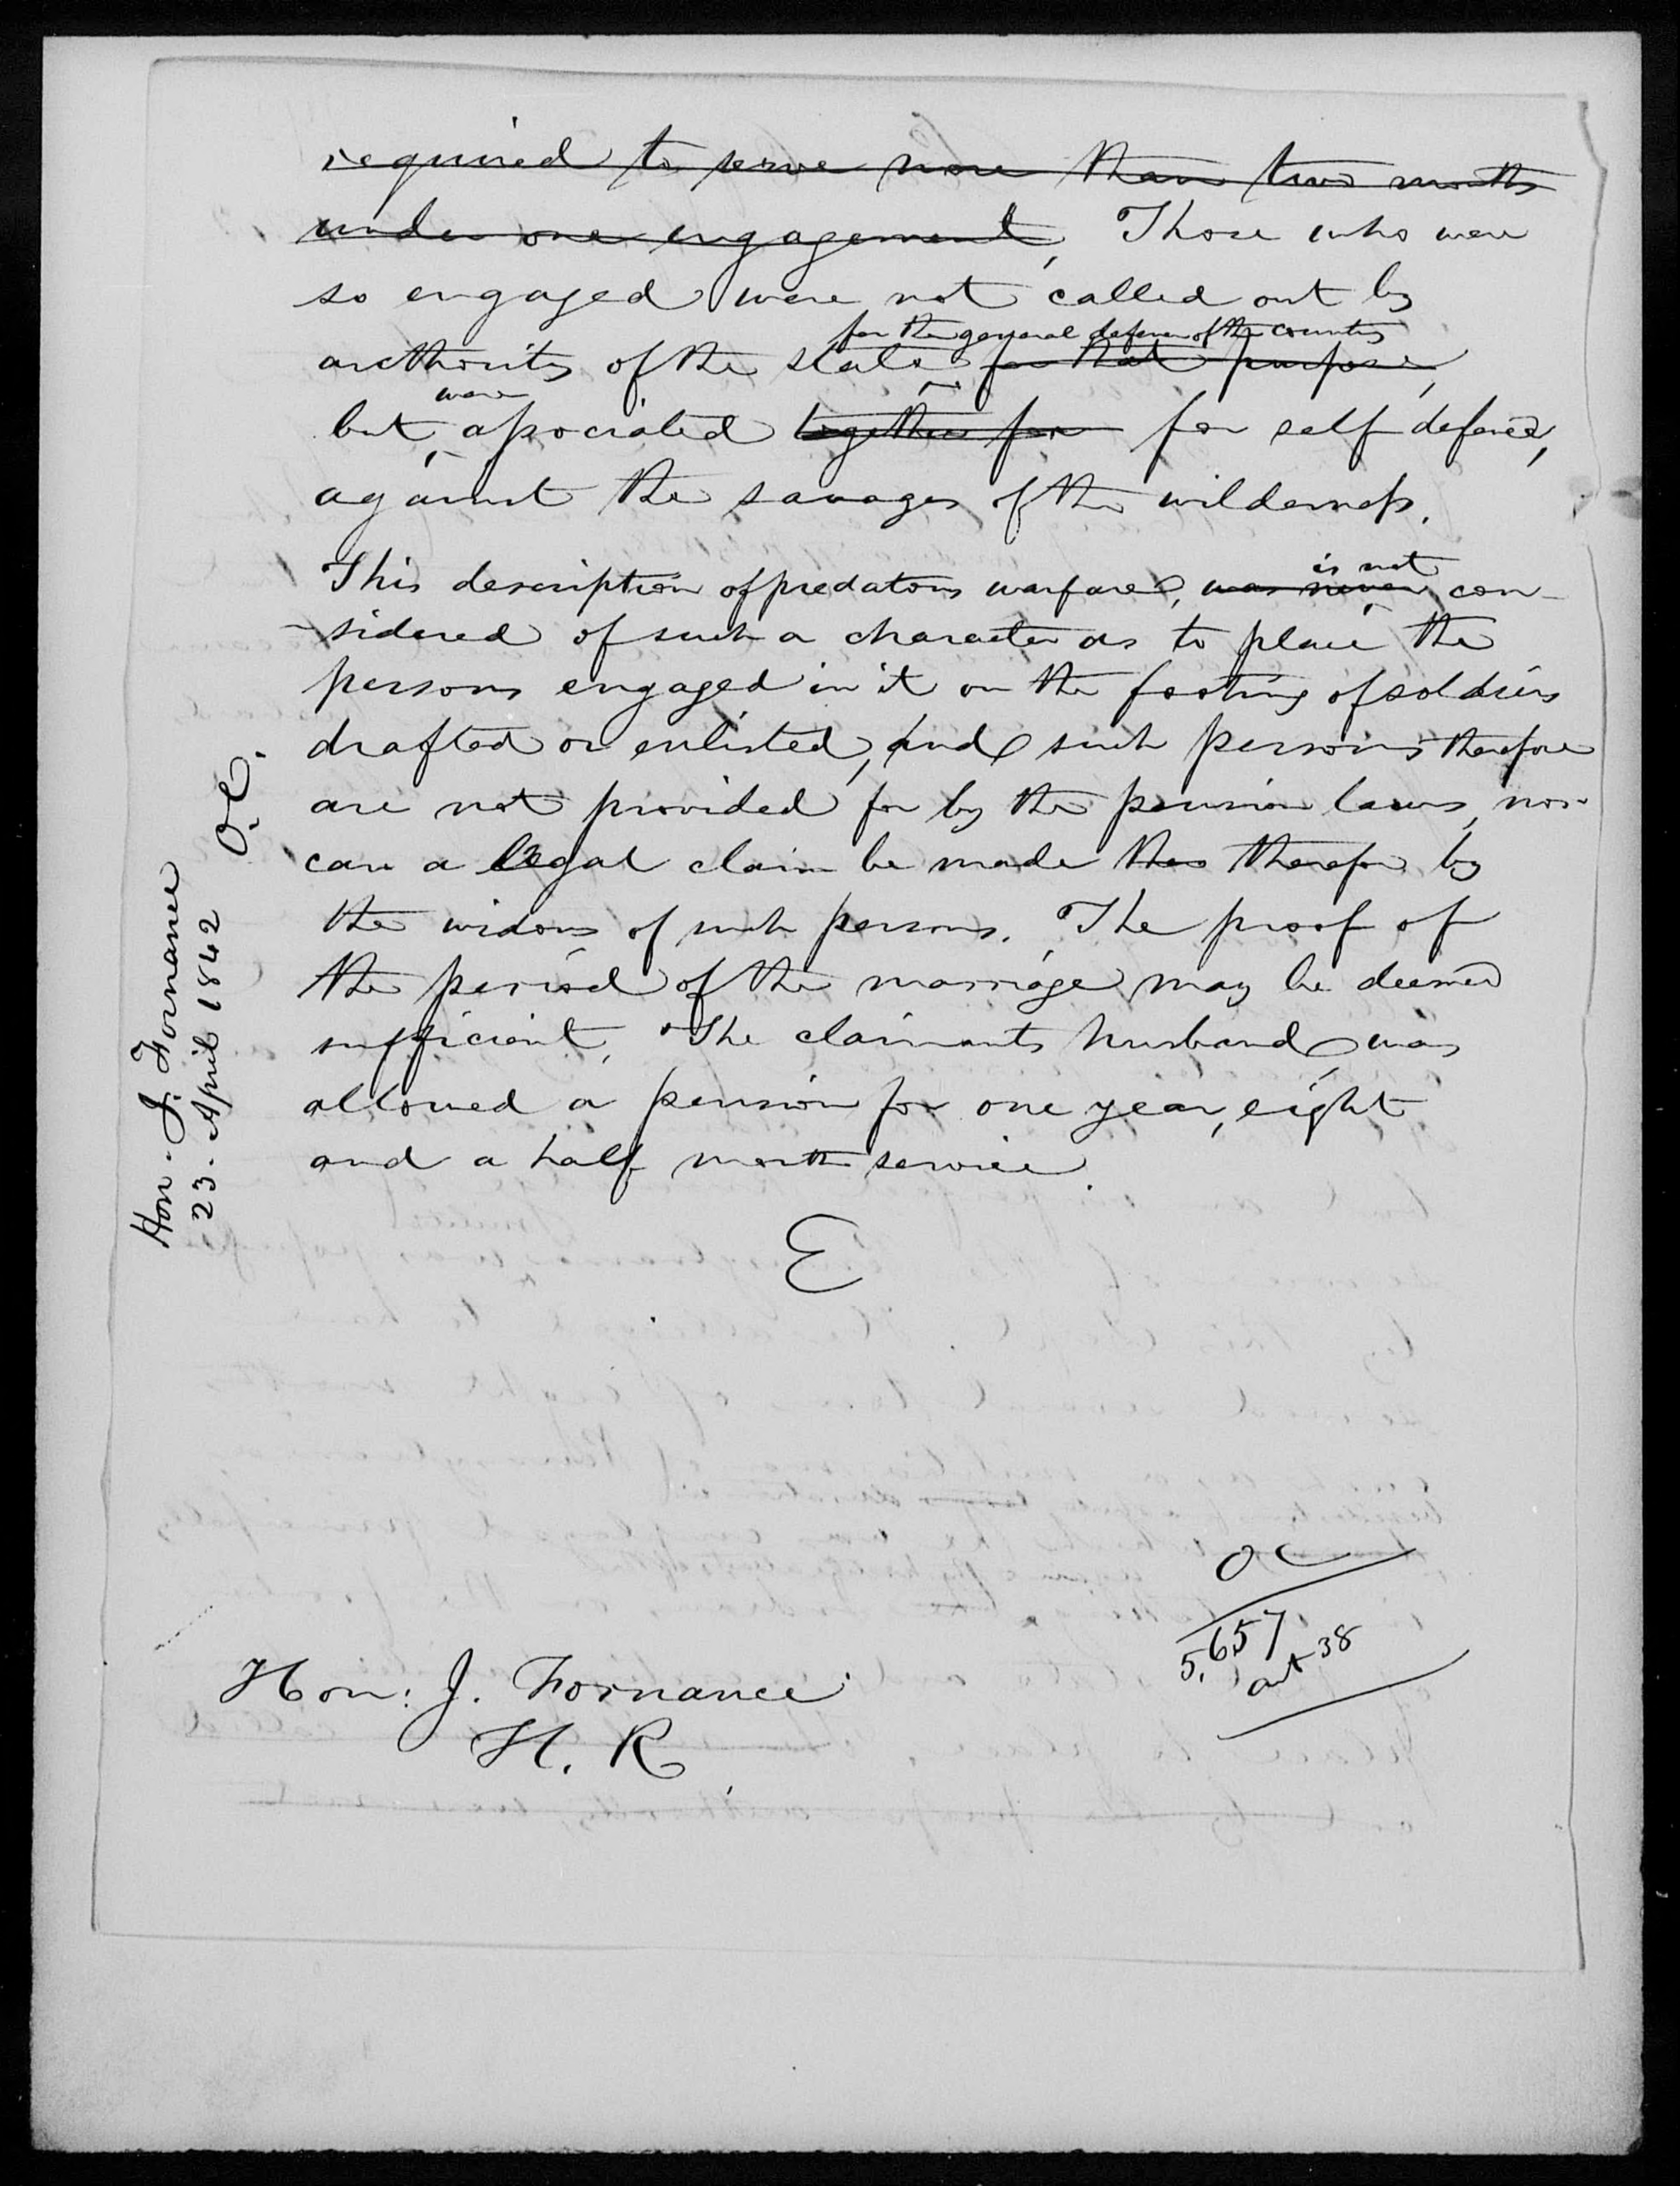Along the left side and written vertically: Hon J. Fornance, 23 April 1842

The first sentence was lined through it said: required to serve more than two months under one engagement.  (then it started with:)

Those who were so engaged were not called out by authority of the state for the general defense of the county but, were (not legible) for self defense against the savages of the wilderness.

This description of predators warfare is not considered of such a character as to place the person engaged in it on the footing of soldiers drafted or enlisted and such persons therefore are not provided for by the pension laws, nor can a legal claim be made then therefore, by the widows of such persons.  The proof of the period of the marriage ay be deemed sufficient. The claimants husband was allowed a pension for one year, eight and a half months service.

Hon. J. Fornance. } H.R.
23 April 1842

                                                      OC/ 5,657
                                                       Out 38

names: J Fornance, J Fornance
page: 17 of 80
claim: widow's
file: W. 24117, John Elder, Penn.